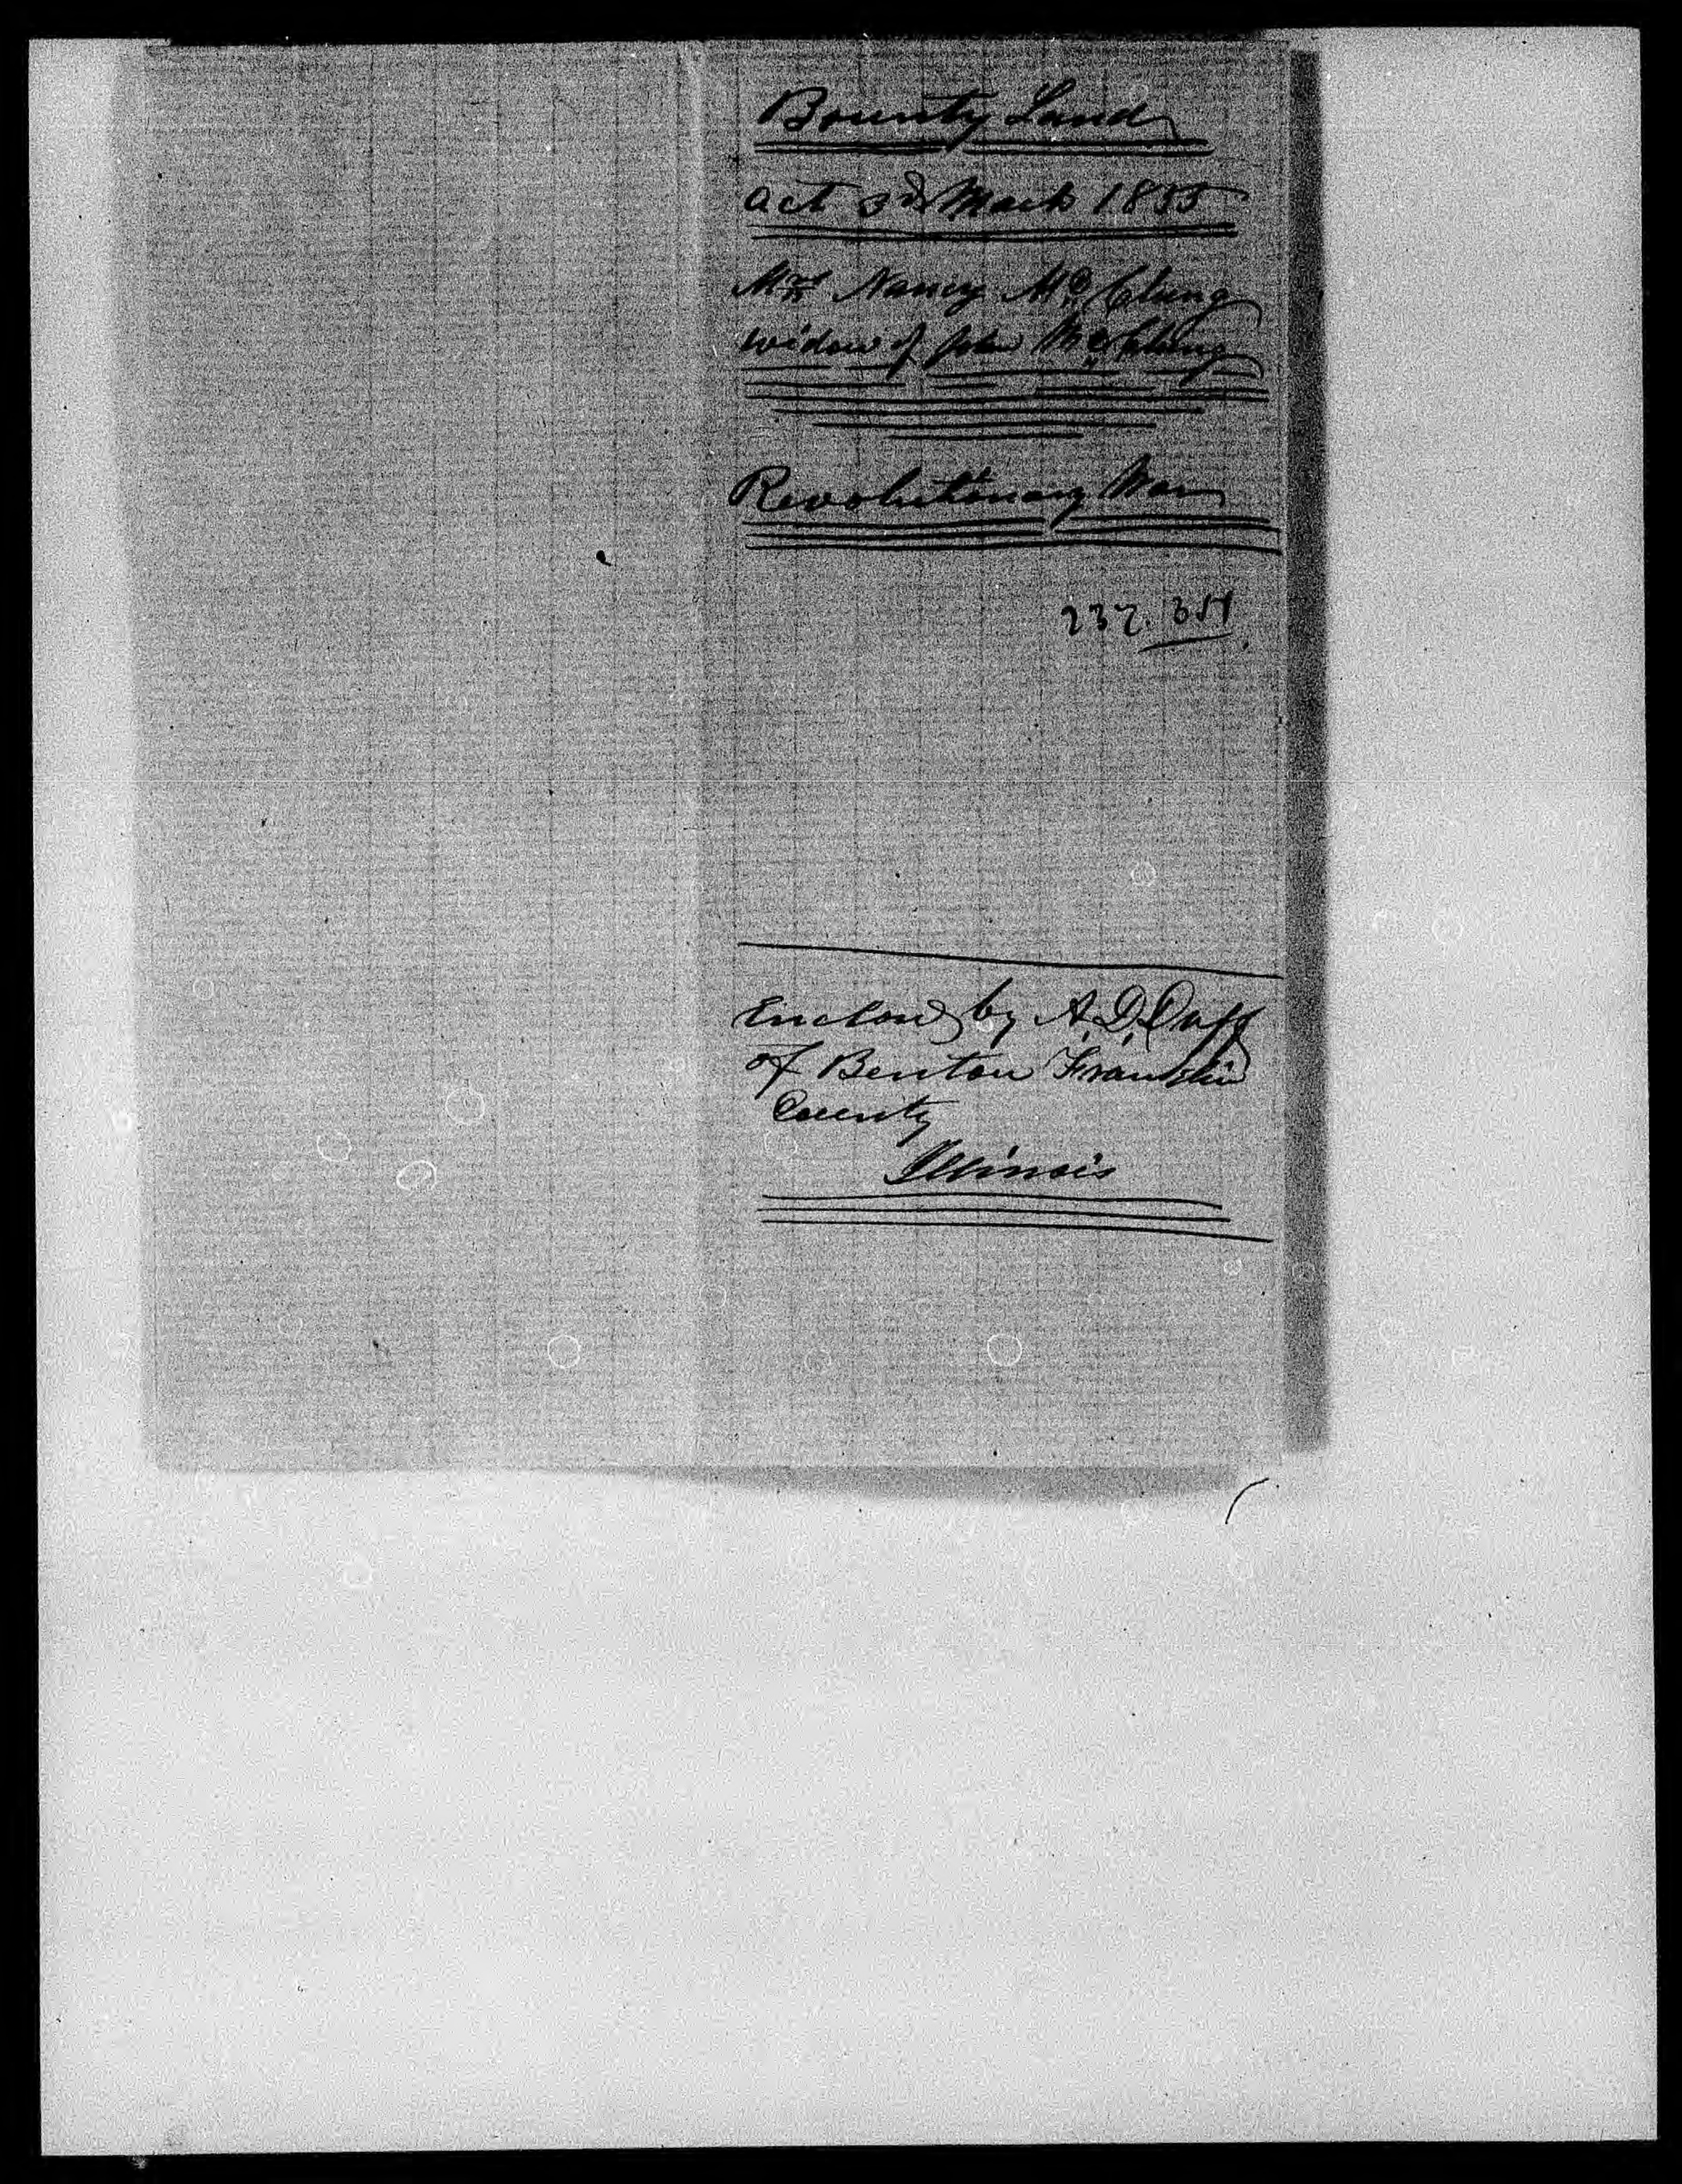Bounty Land
==========
act 3rd  March 1855
================
Mr Nancy McClung
widow of John Mc Cllung
================
================
=============
Revolutionary War
=================
232.351
  _________________

Enclosed by A.D. Duff
of Benton Franklin
County
Illinois
==================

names: A D Duff; John Mc Clung; Nancy Mc Clung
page: 12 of 115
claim: widow's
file: W. 1446, for John Mc Clung, South Carolina